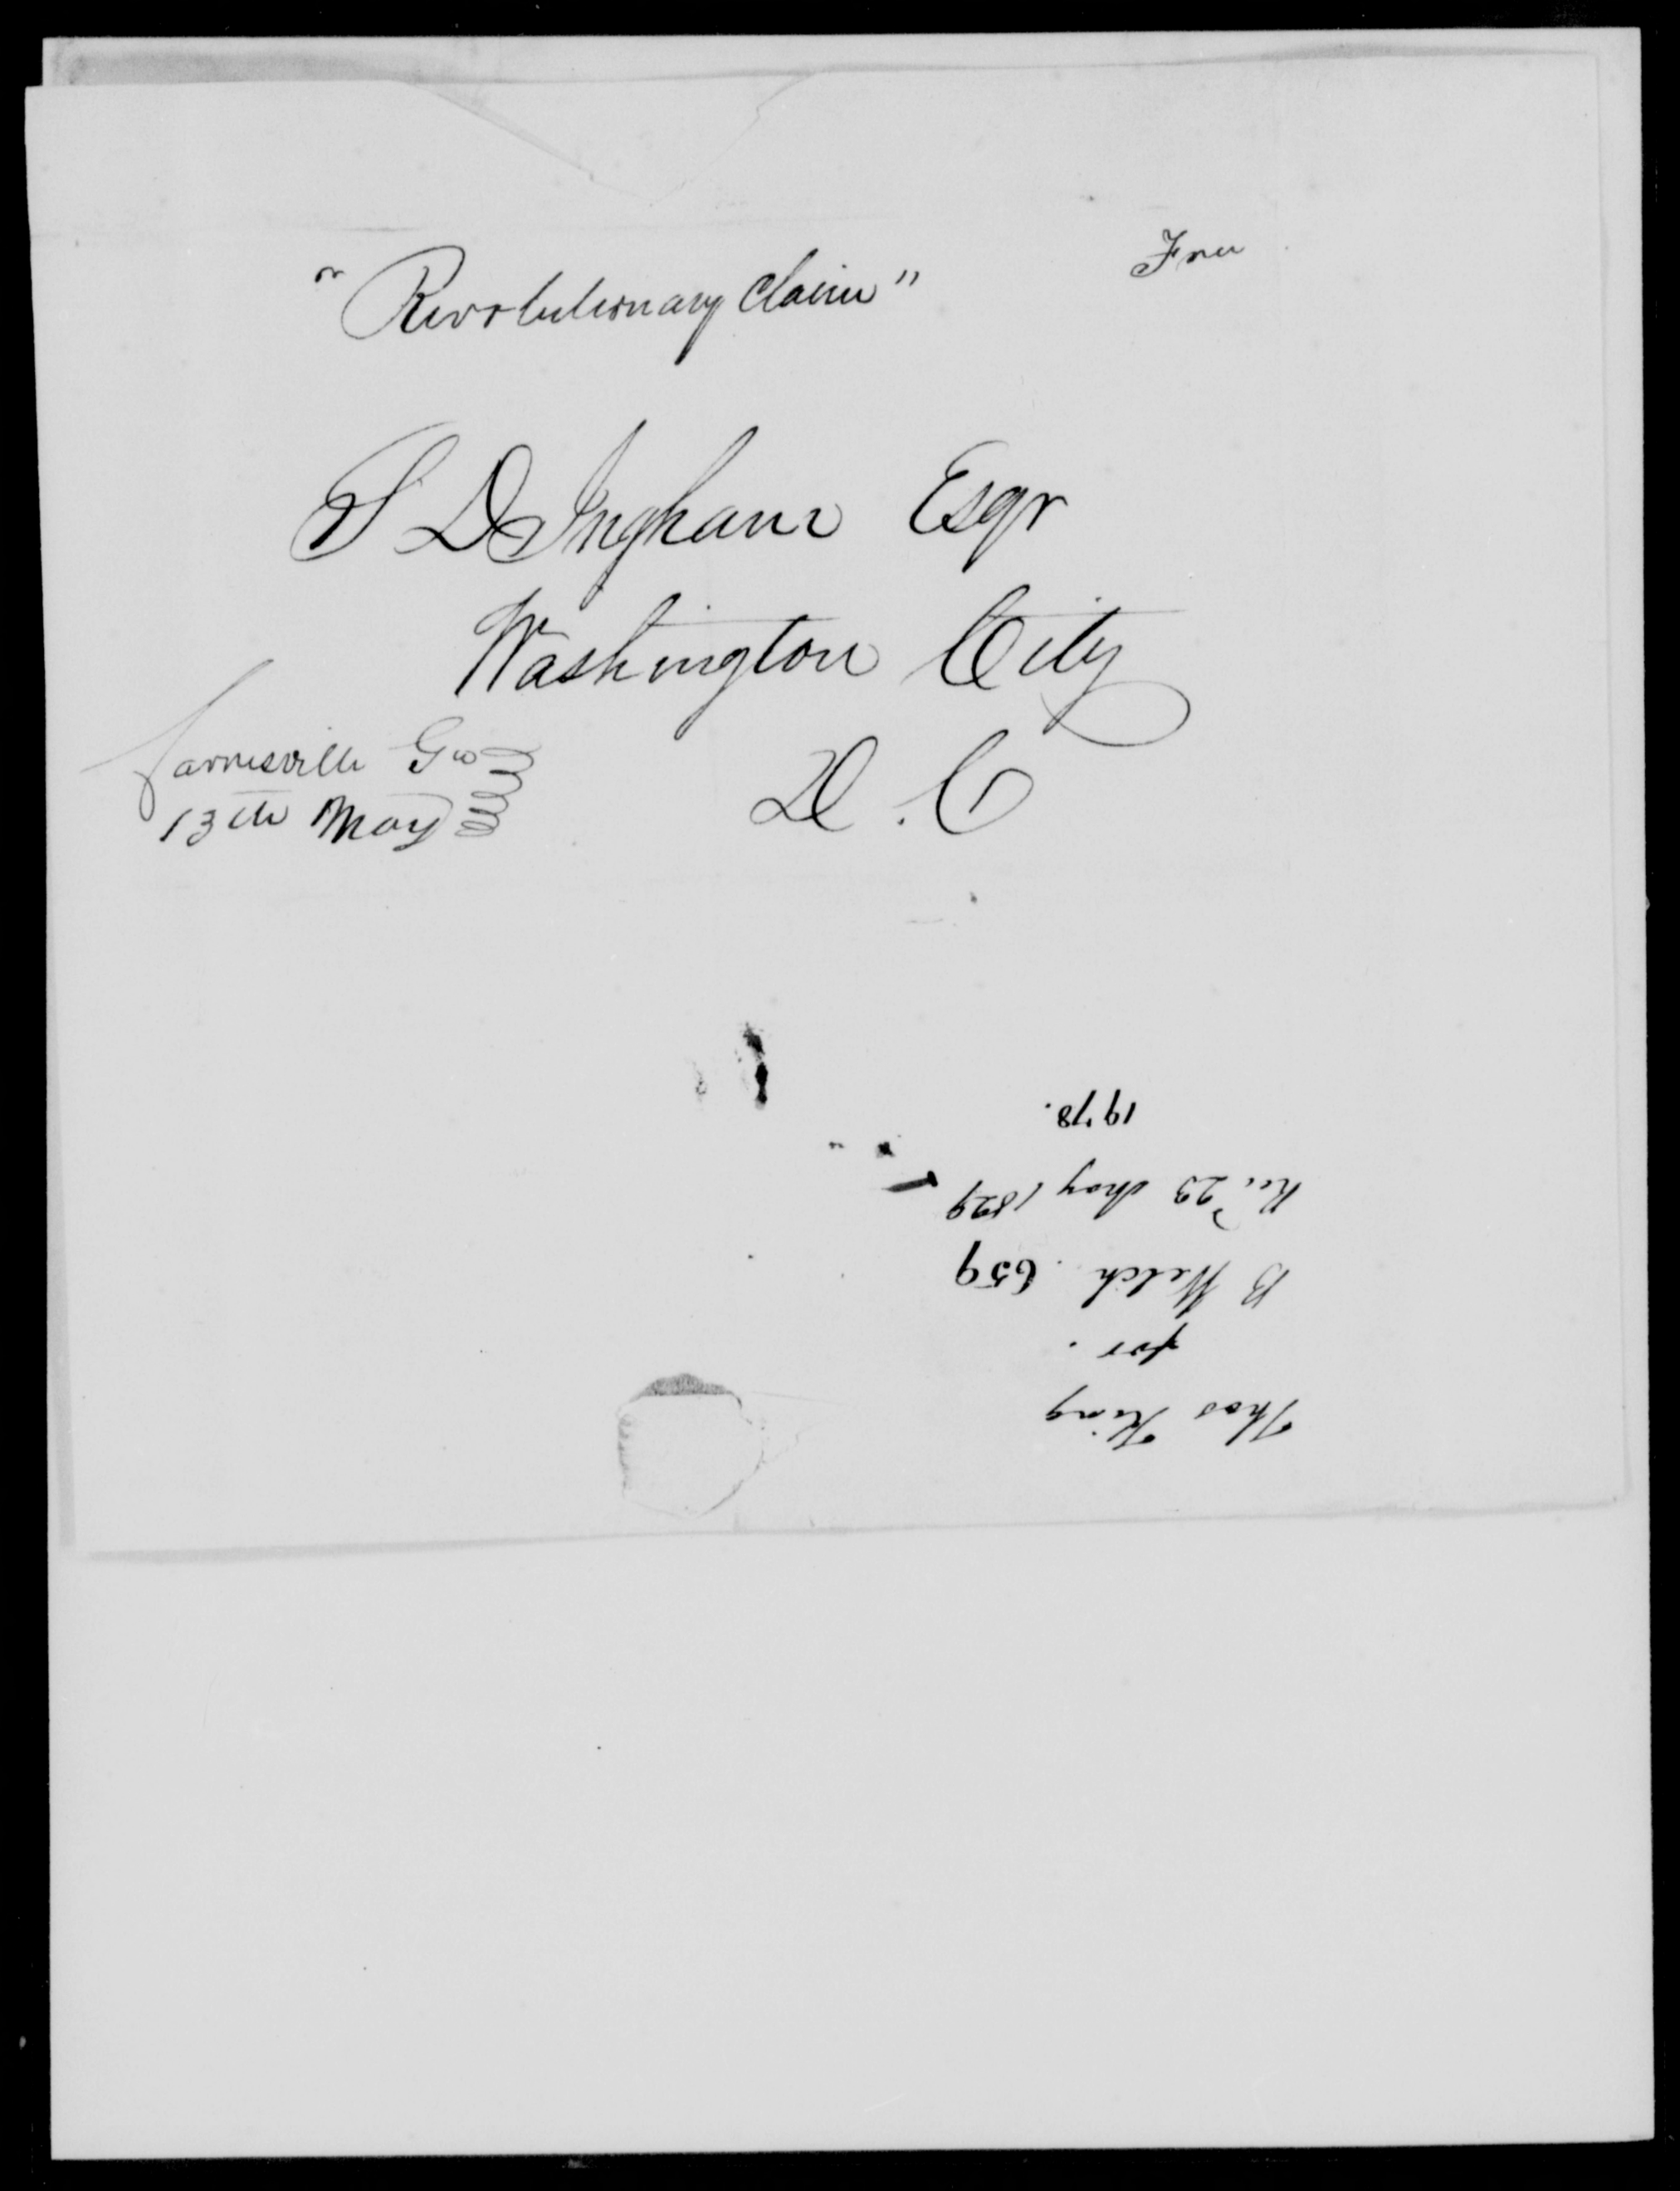"Revolutionary Claims"
Free
S D Ingham Esqr
Washington City
D. C
Carnesville Ga
13th May
Thos King
for 
B Welch .659
Rec'd 23 May 1829
1978.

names: S D Ingham, Thos King, B Welch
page: 16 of 23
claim: rejected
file: R. 20,446, Benjamin Welch, Ga.